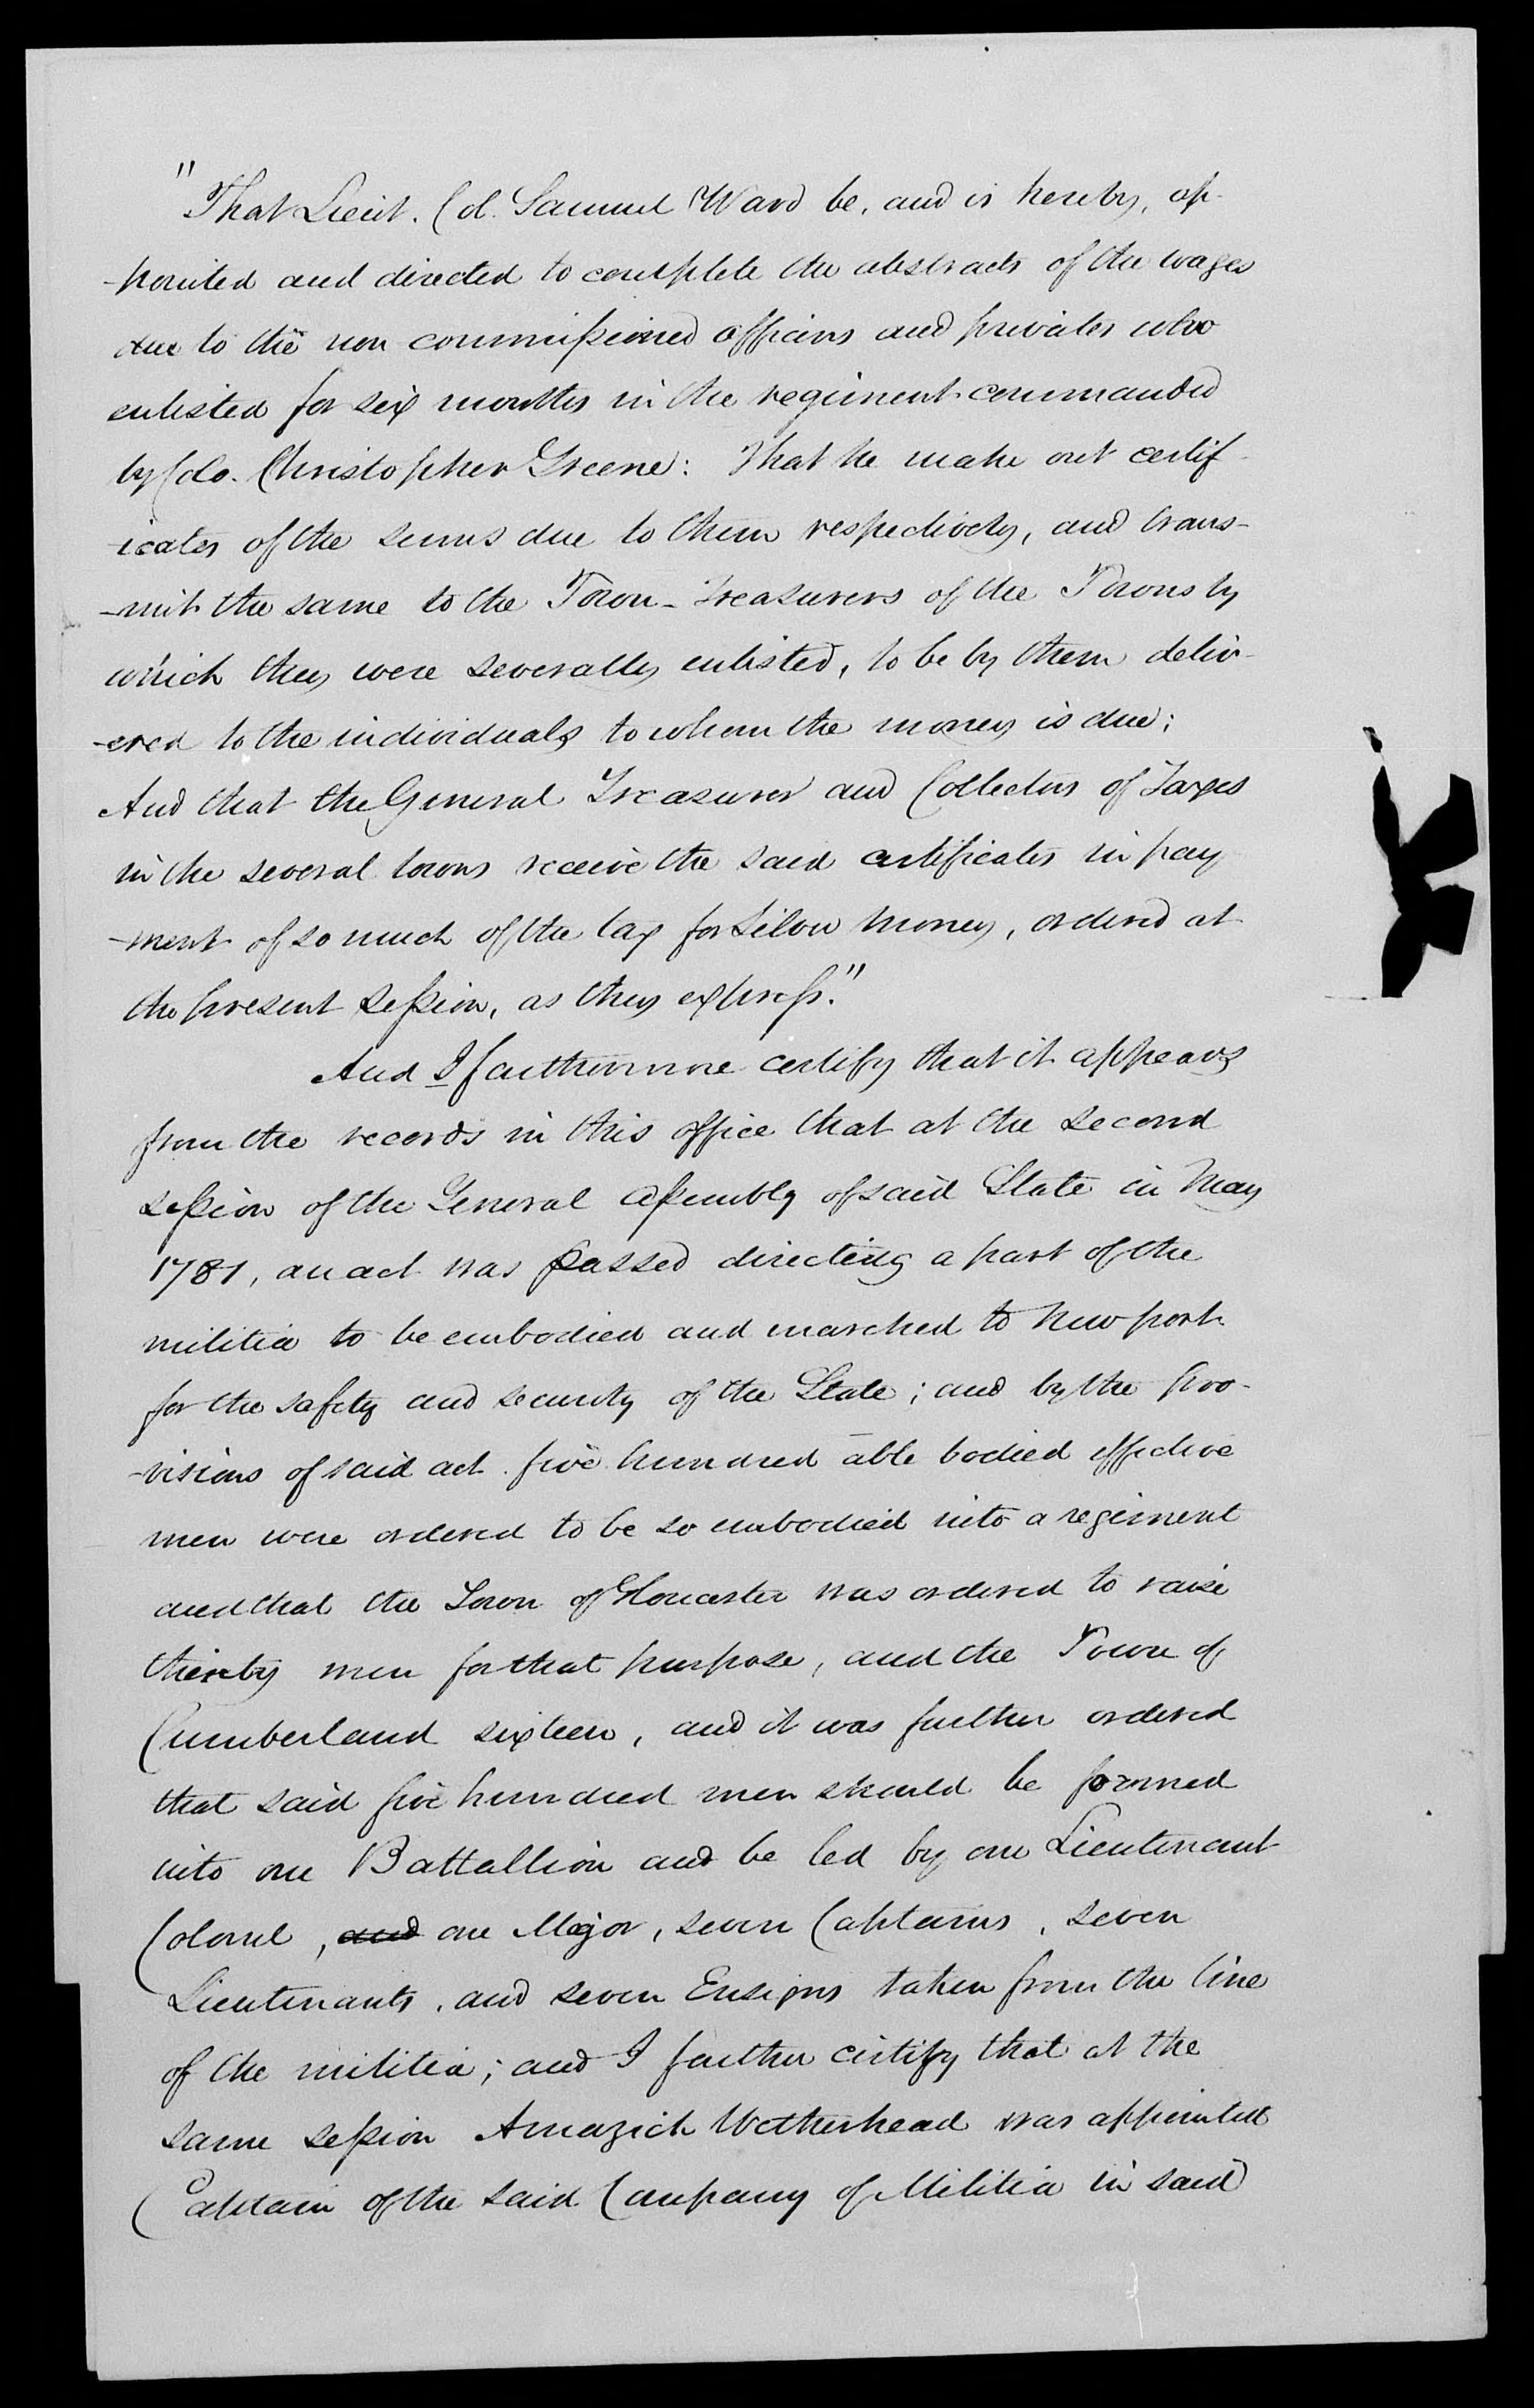"That Lieut. Col. Samuel Ward be, and is hereby, appointed and directed to complete the abstracts of the wages due to the non-commissioned officers and privates who enlisted for six months in the regiment commanded by Col. Christopher Greene; that he make out certificates of the sums due to them respectively, and transmit the same to the town treasurers of the towns by which they were severally enlisted, to be by them delivered to the individuals to whom the money is due; And that the General Treasurer and Collector of Taxes in the several town receive the said certificates in payment of so much of the tax for silver money, ordered at the present session, as they ex?"
And I furthermore certify that it appears from the records in this office that at the second session of the General Assembly of said State in May 1781, an Act was passed directing a part of the militia to be embodied and marched to Newport for the safety and security of the State; and by the provisions of said Act five hundred able bodied effective men were ordered to be so embodied into a regiment died that the town of Gloucester was ordered to raise thirty men for that purpose, and the town of Cumberland sixteen, and it was further ordered that said five hundred men should be formed into one Battallion and be led by one Lieutenant Colonel, one Major, seven Captains, seven Lieutenants, and seven Ensigns taken from the line of the militia; and I further certify that at the same session Amaziah Wetherhead was appointed Captain of the said Company of Miliatia in said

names: Amaziah Wetherhead, Samuel Ward, Christopher Greene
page: 51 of 76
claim: widow's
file: W. 15,517, William Gadcomb, R.I.